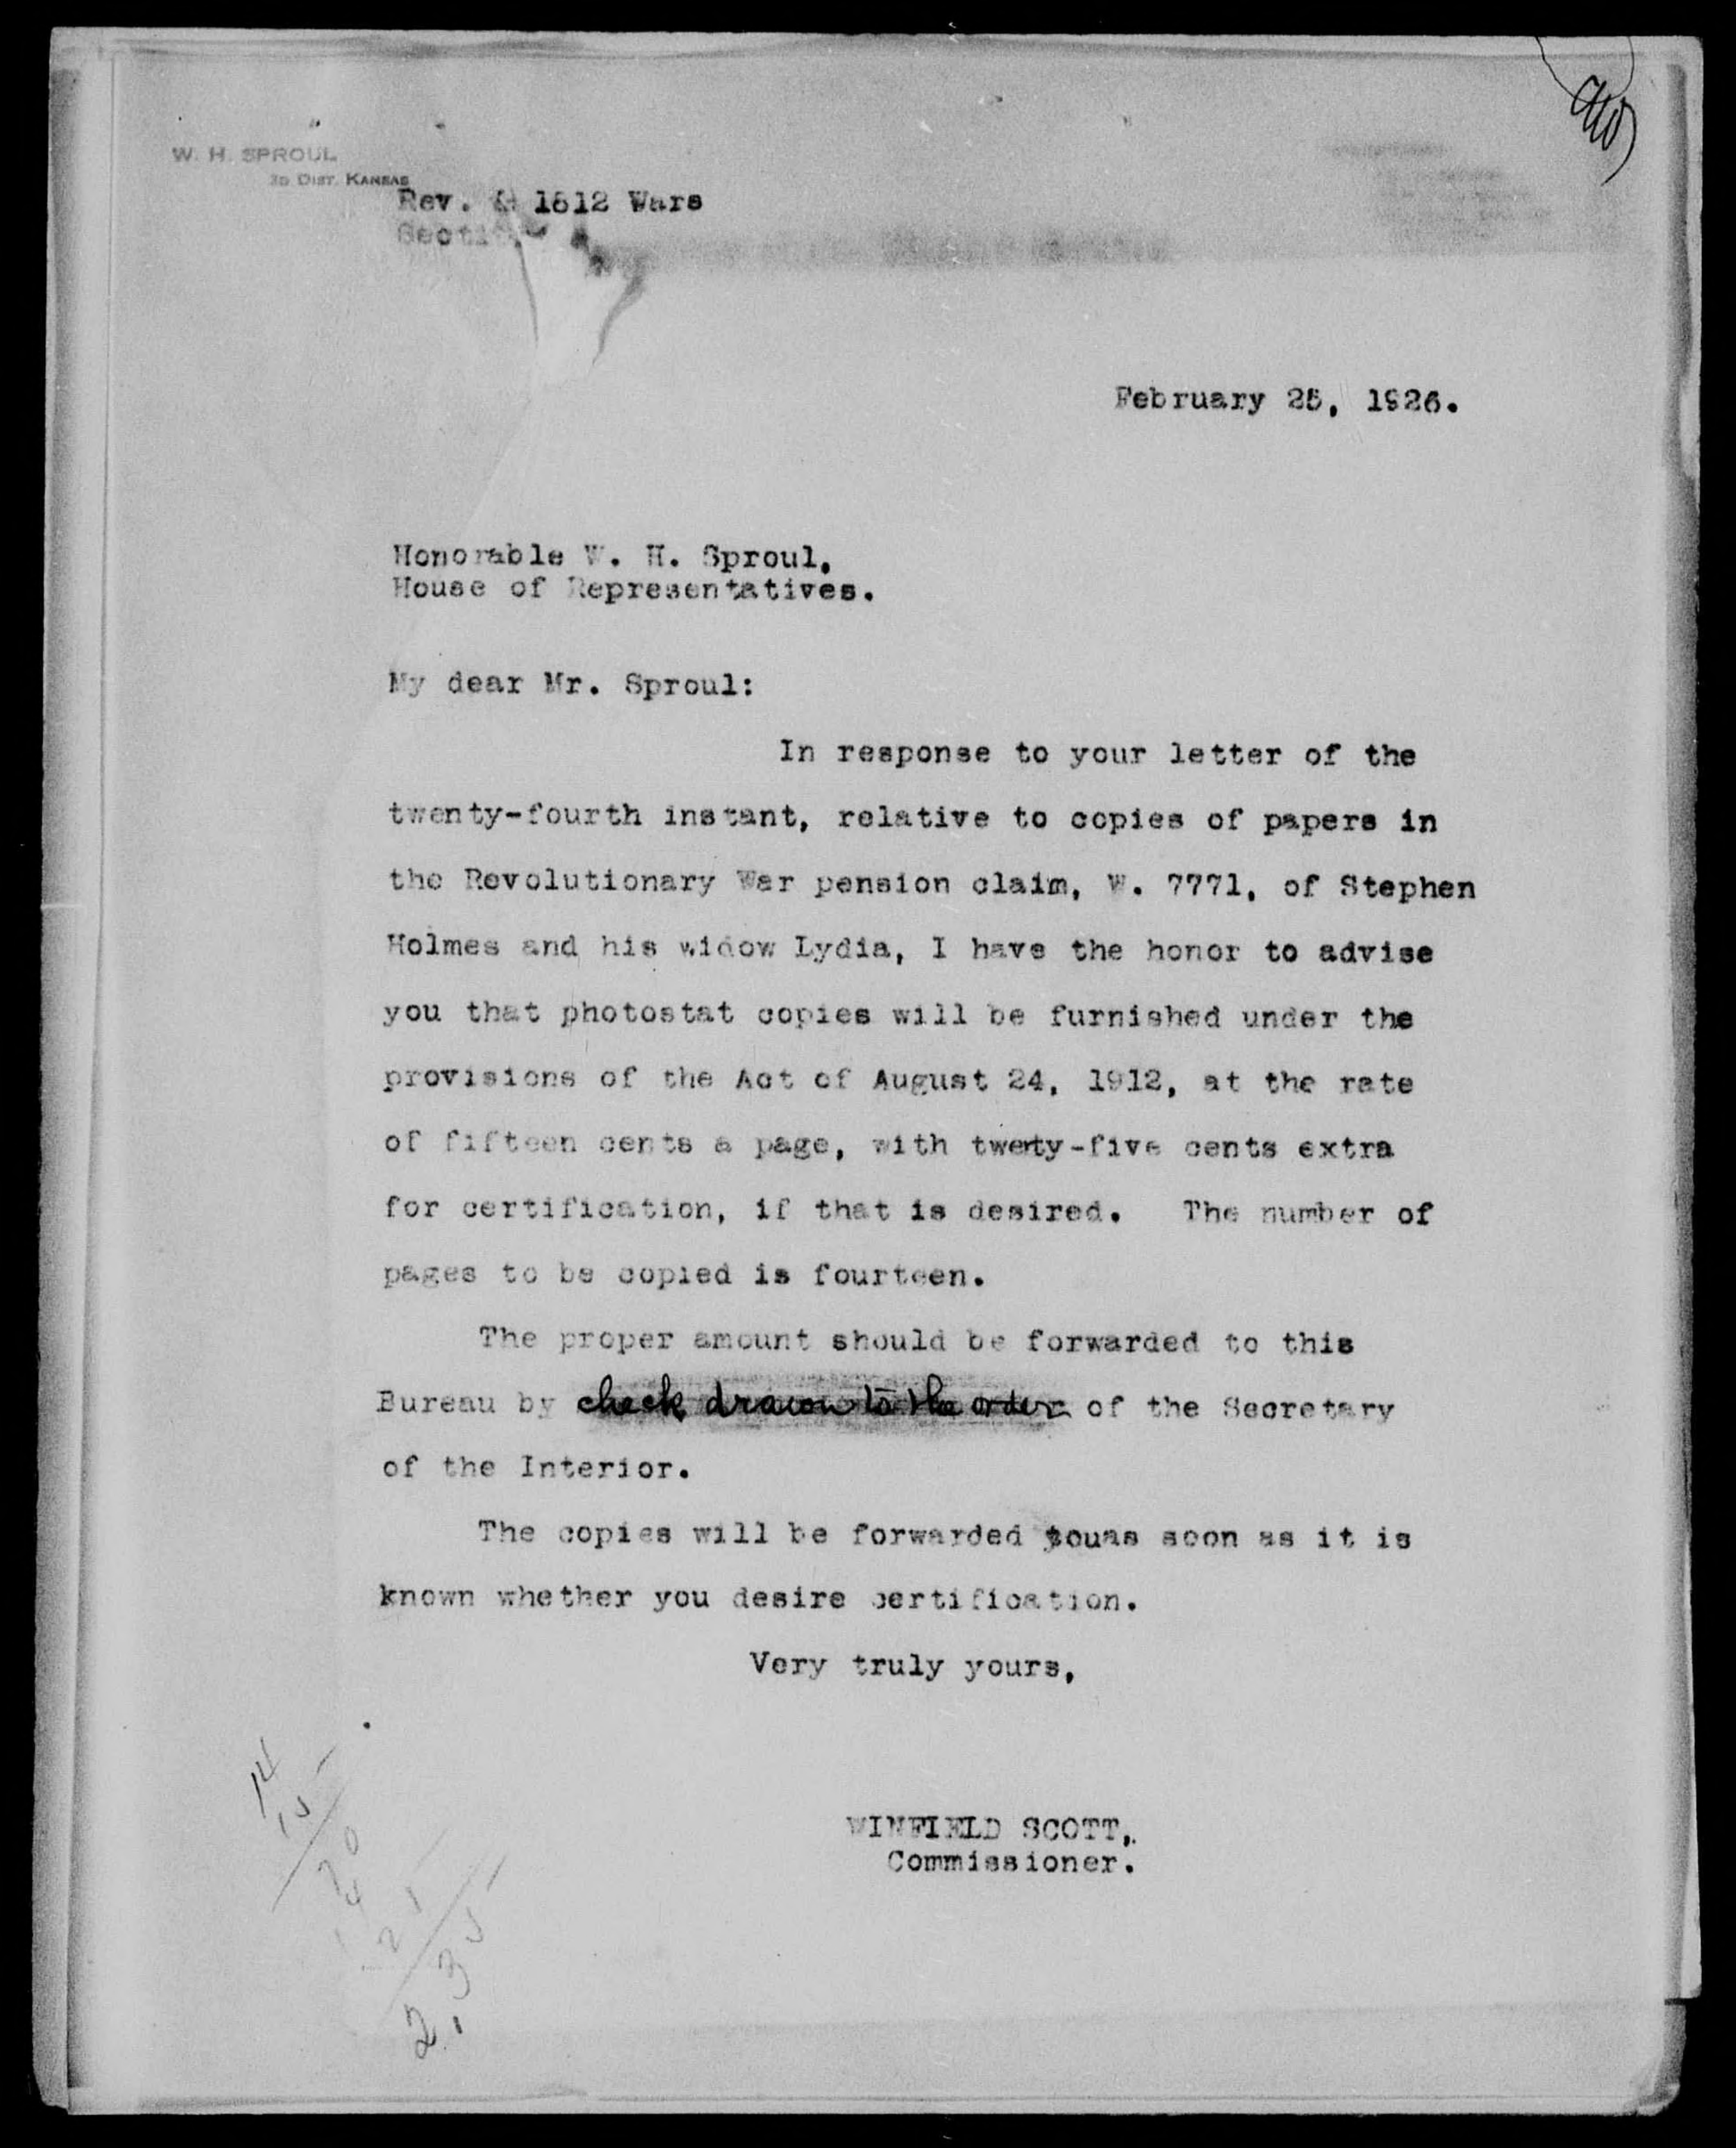W. H. SPROUL
3D DIST. KANSAS

Rev. & 1812 Wars

February 25, 1926

Honorable W. H. Sproul,
House of Representatives.

My dear Mr. Sproul:

In response to your letter of the twenty-fourth instant, relative to copies of papers in the Revolutionary War pension claim, W. 7771, of Stephen Holmes and his widow Lydia, I have the honor to advise you that photostat copies will be furnished under the provisions of the Act of August 24, 1912, at the rate of fifteen cents a page, with twenty-five cents extra for certification, if that is desired. The number of pages to be copied is fourteen.

The proper amount should be forwarded to this Bureau by [crossed out text, overwritten with "check drawn to the order"] of the Secretary of the Interior.

The copies will be forwarded you as soon as it is known whether you desire certification.

Very truly yours,

WINFIELD SCOTT,
Commissioner

14
15
-
70
14
25 
-
2.35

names: Stephen Holmes, W H Sproul, W H Sproul, Winfield Scott, Lydia, Sproul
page: 66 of 72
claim: widow's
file: W. 7771, Stephen Holmes, Vt.